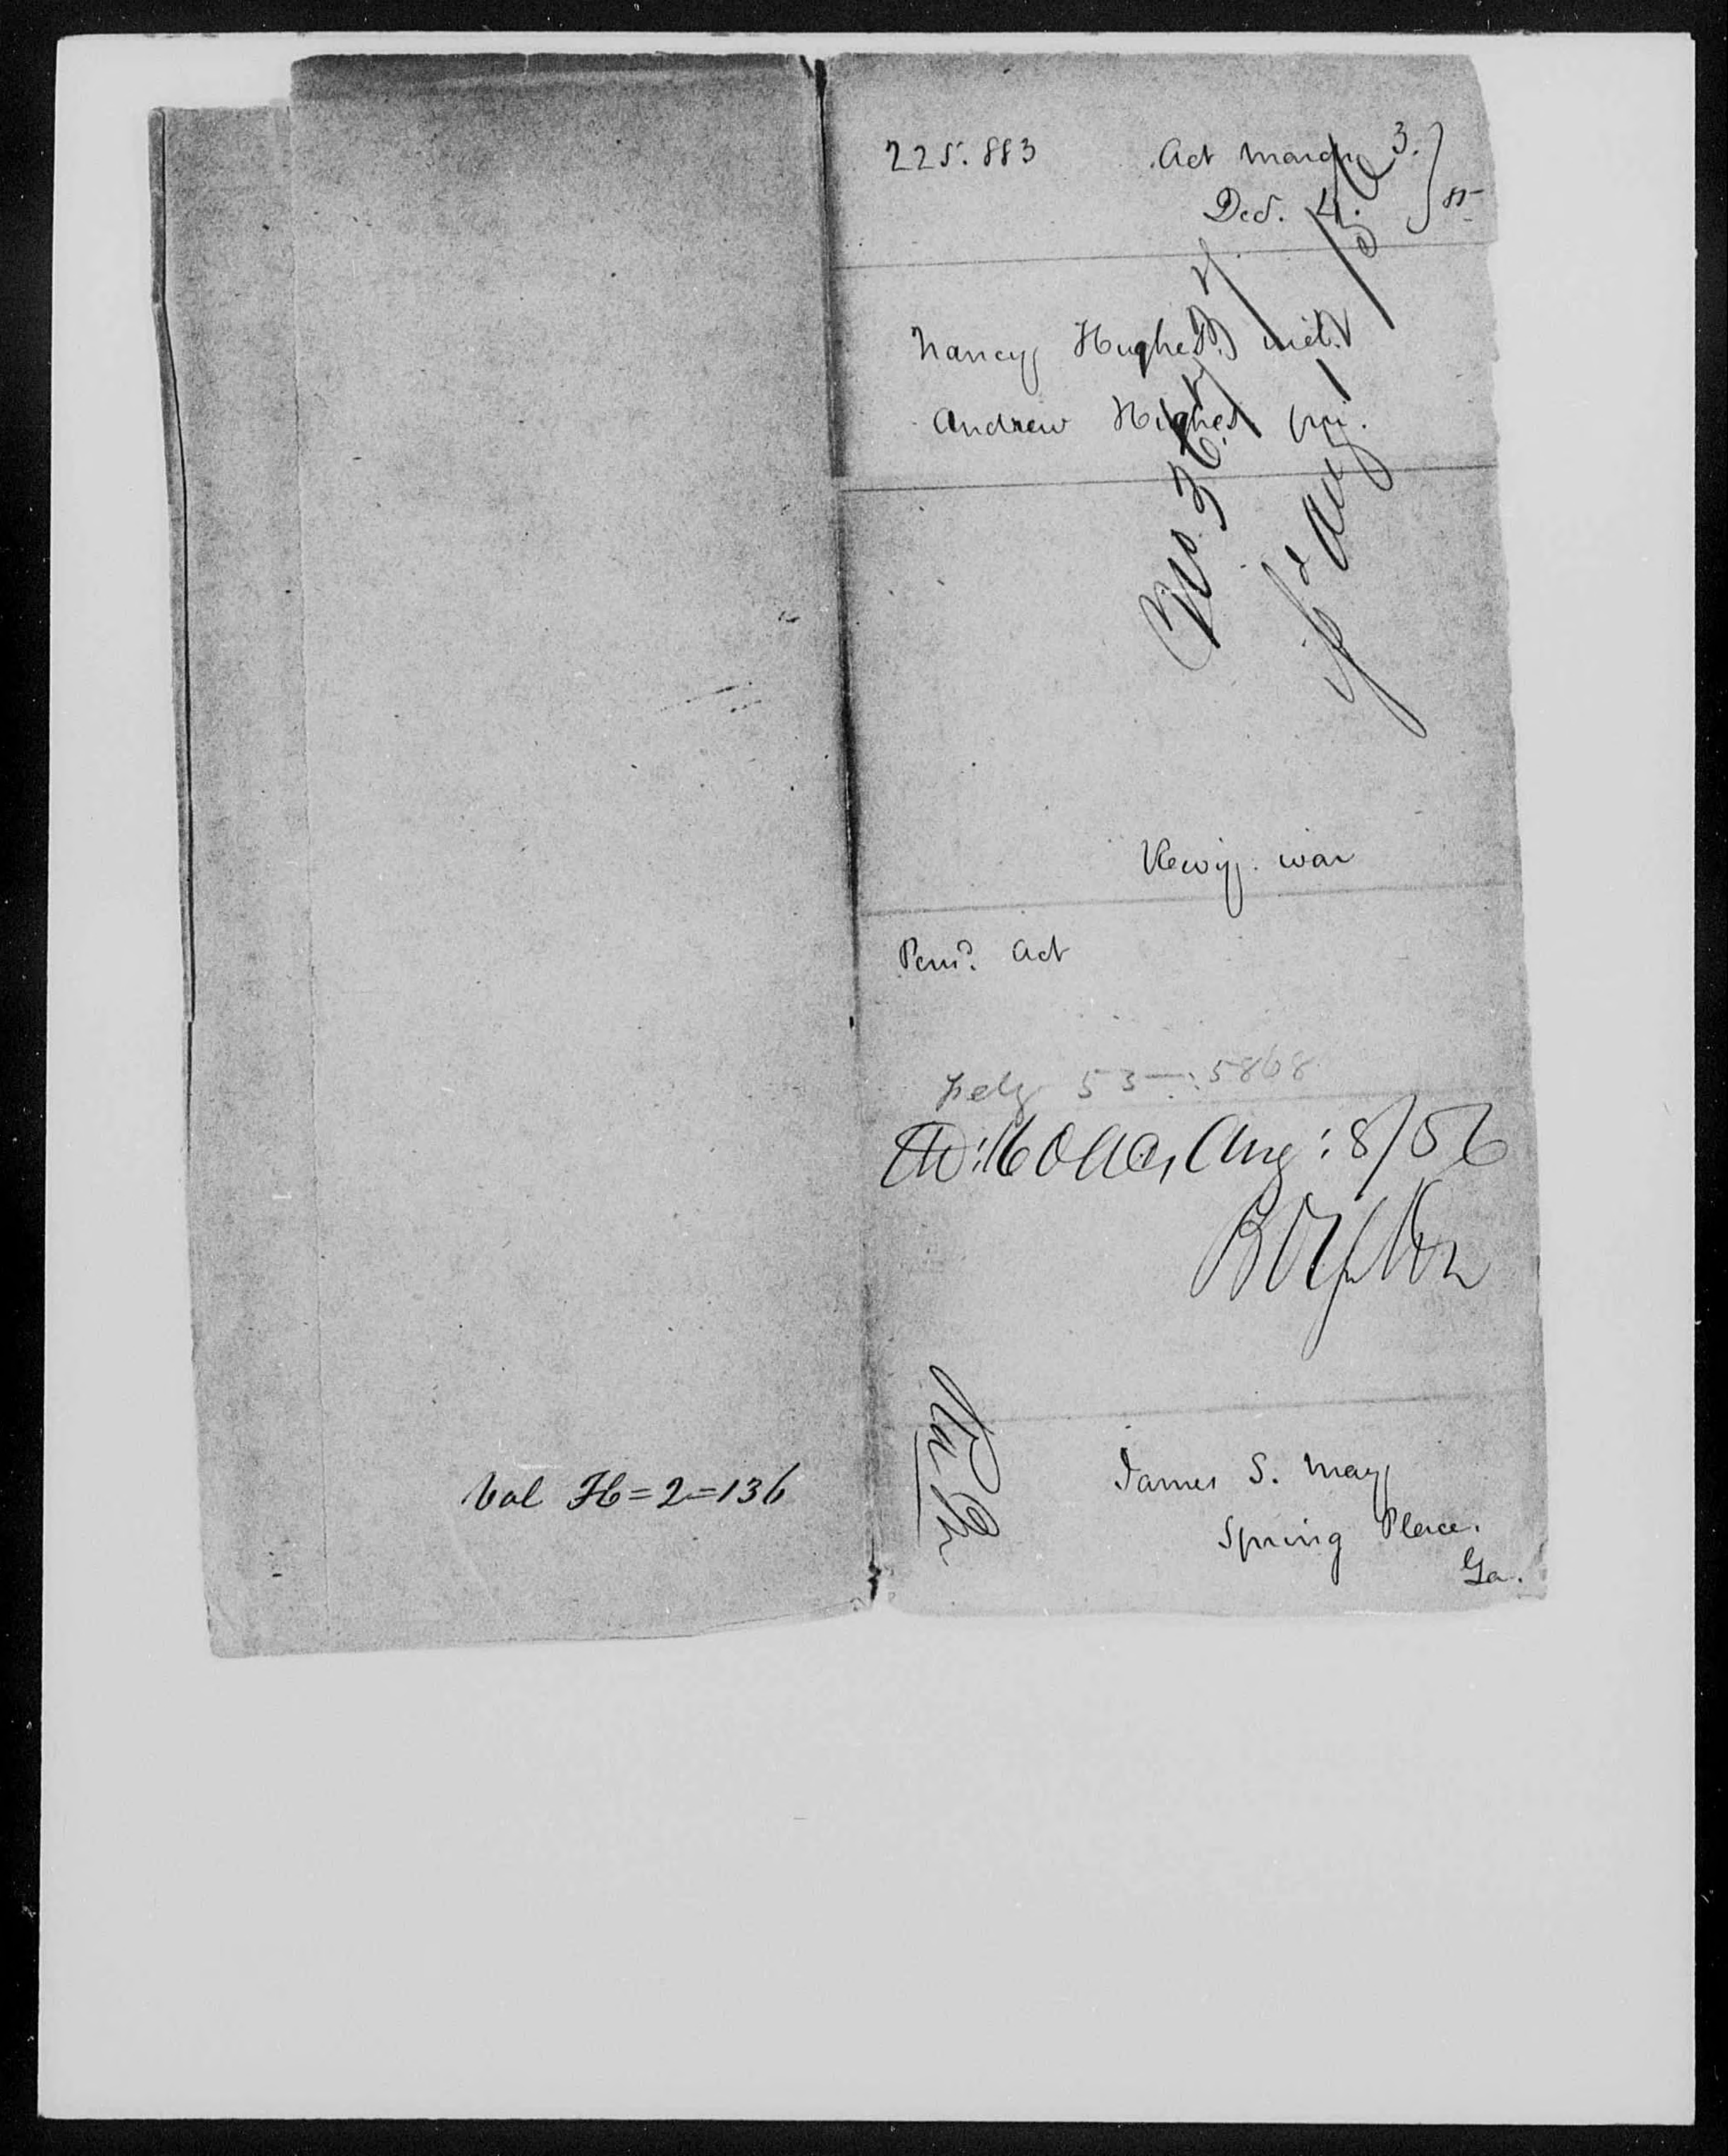Vol H=2=136
225.883  Act  March  3 Dec. 4
81-
Nancy Hughes wid.
Andrew Hughes 
No.36737 iss'd Aug 12 /56
Rev'y war Pem? Act
53-5868
ch:16 One Aug: 8/56
[signature] Boynton
James S. May
Spring Place, GA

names: Nancy Hughes, Boynton, James S May, Andrew Hughes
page: 2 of 75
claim: widow's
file: W. 25805, Andrew Hughes, N.C.